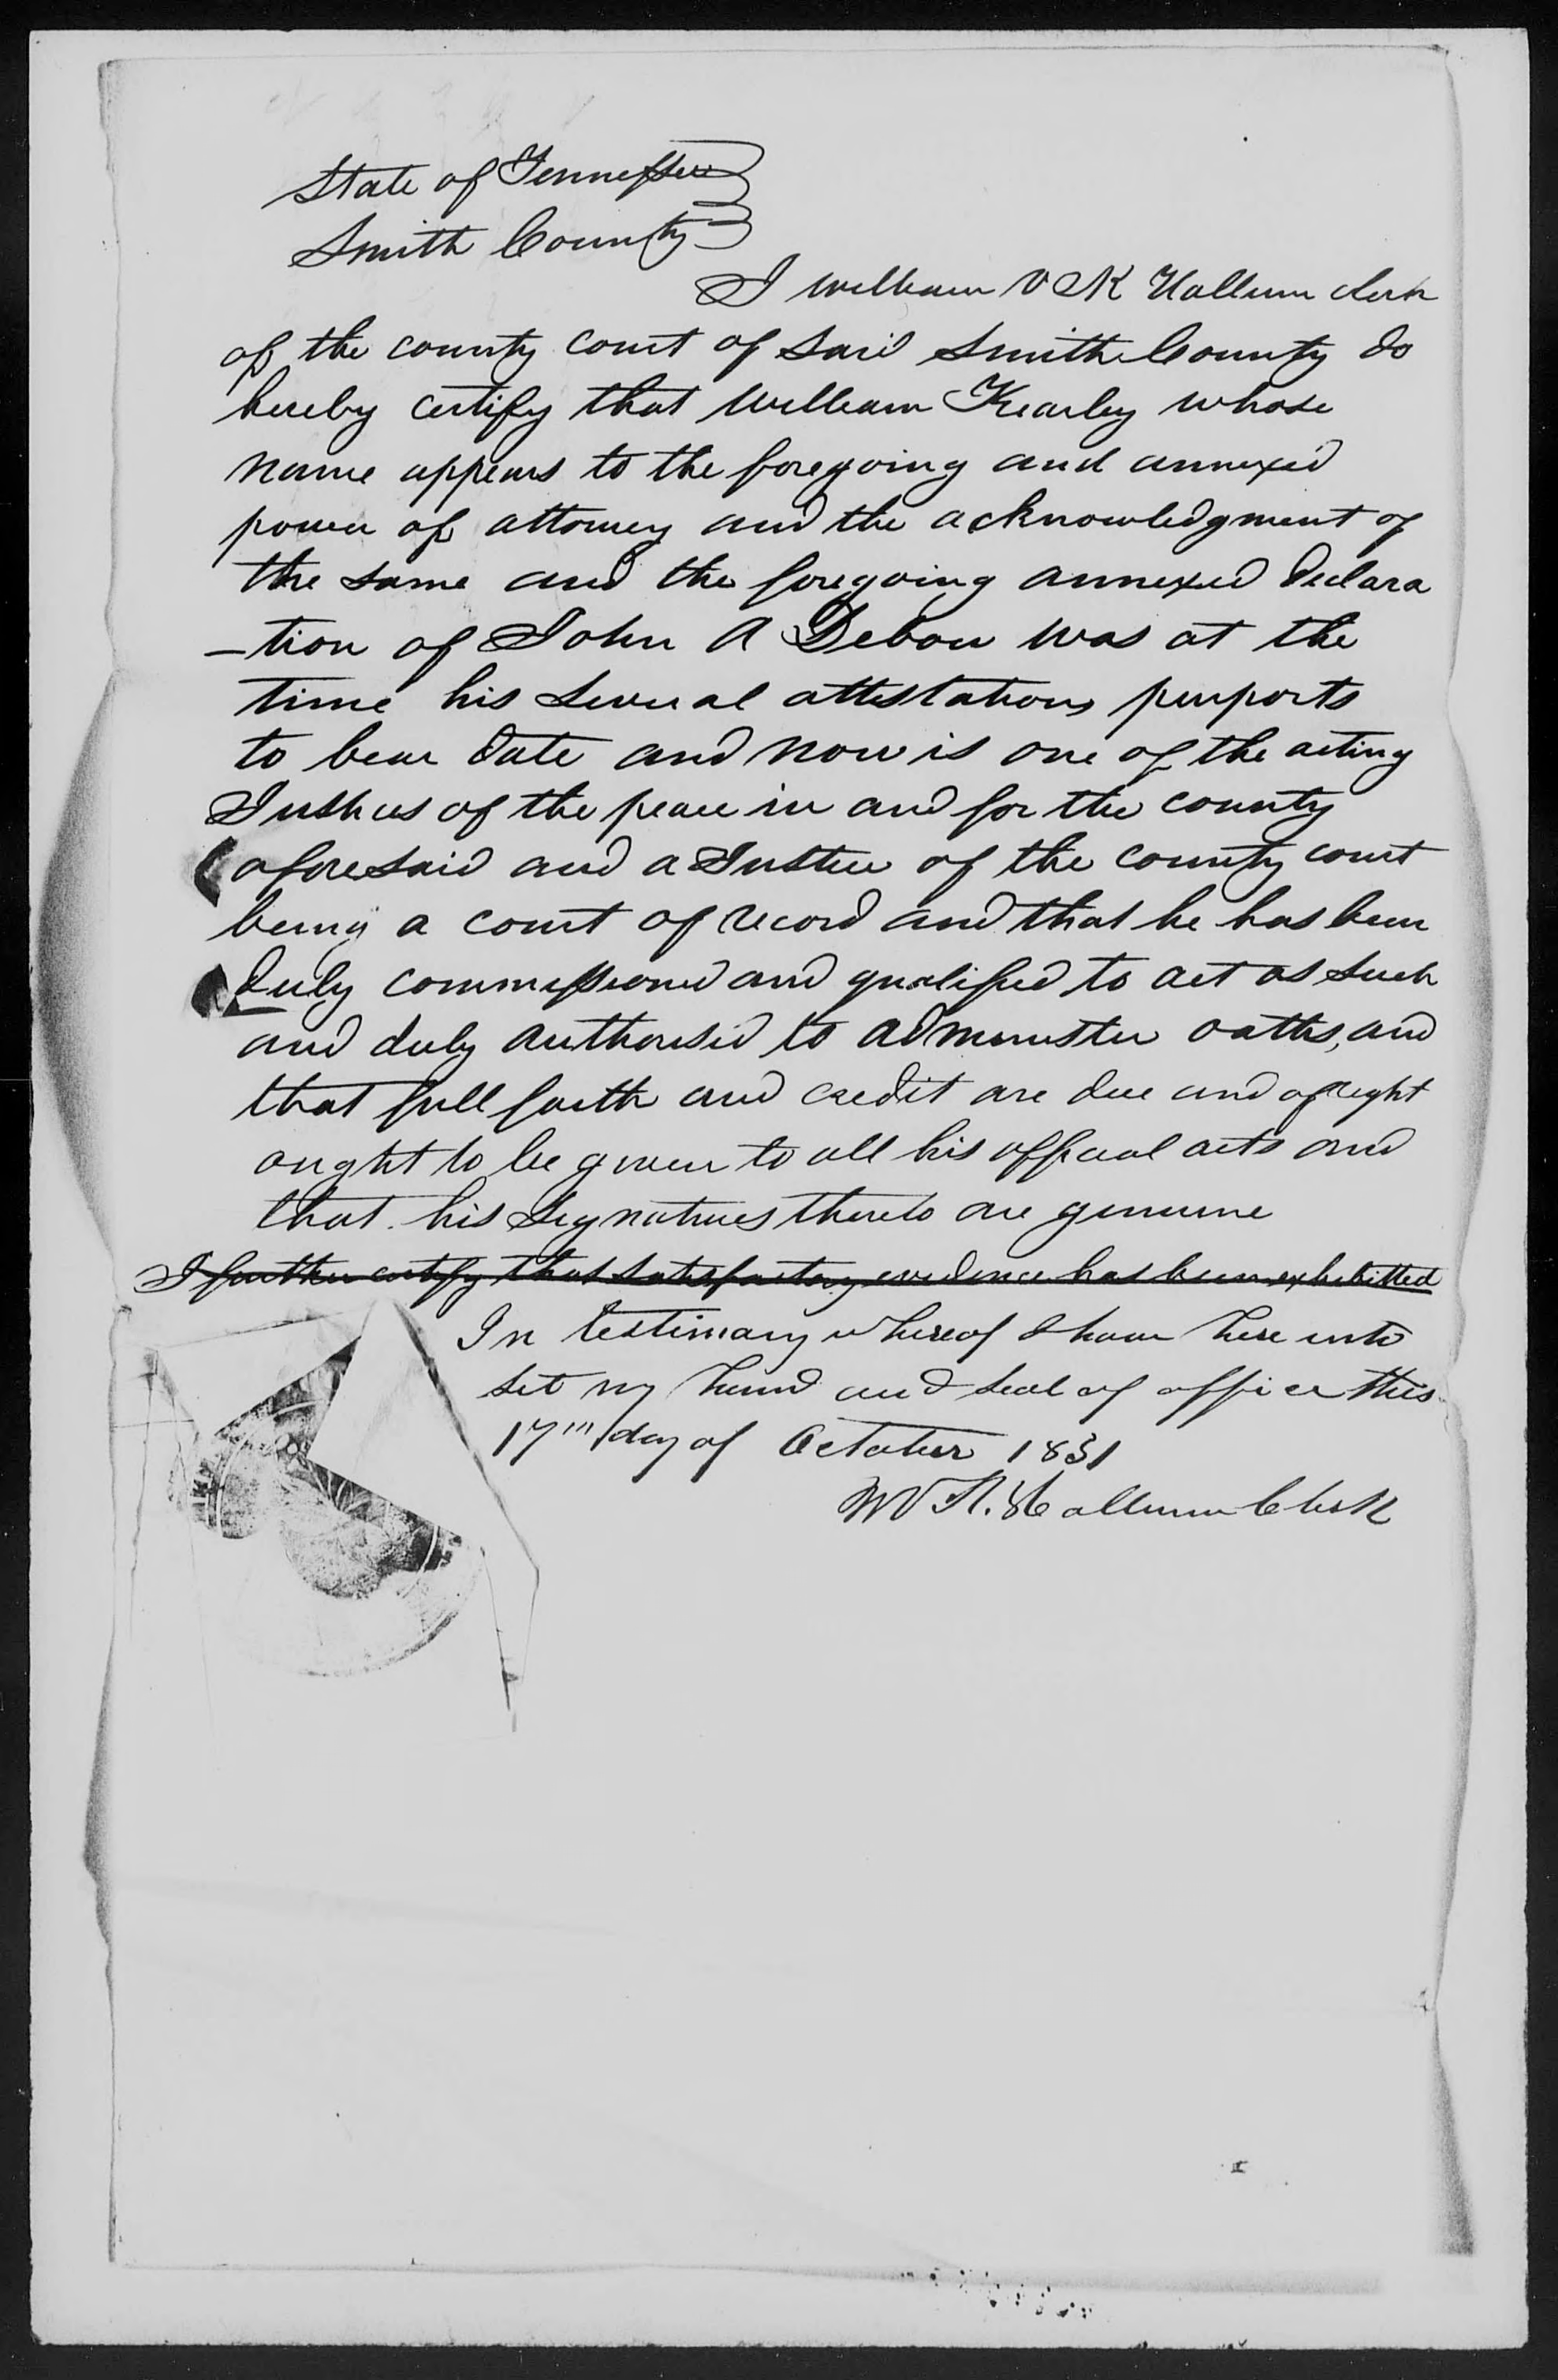Tennessee}
Smith County}
I William V R Hallum clerk of the county court of said Smith County. I do herby certify that William Kearly whose name appears to the foregoing and annexed power of attorney and the acknowledgment of the same and the forgoing annexed declar- tion of John A Debow was at the time his several attestations proports to bear date and now is one of the acting Justices of the peace in and for the county aforesaid and a Justice of the county court being a court of record and that he has been duly commissioned and qualified to act as such and duly authorized to administer oaths, and that full [illegible] and credit are due and of right ought to be given to all his official acts and that his signatures thereto are genuine. 
[One line struck out} In testimony where of I have these into set my hand and seal of office this 17th day of October 1831.
William V R Hallum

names: William Kearley, William V R Hallum, W V R Hallum, John A Debow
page: 20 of 62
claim: widow's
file: W 7005, Frederick Debow, N.C.